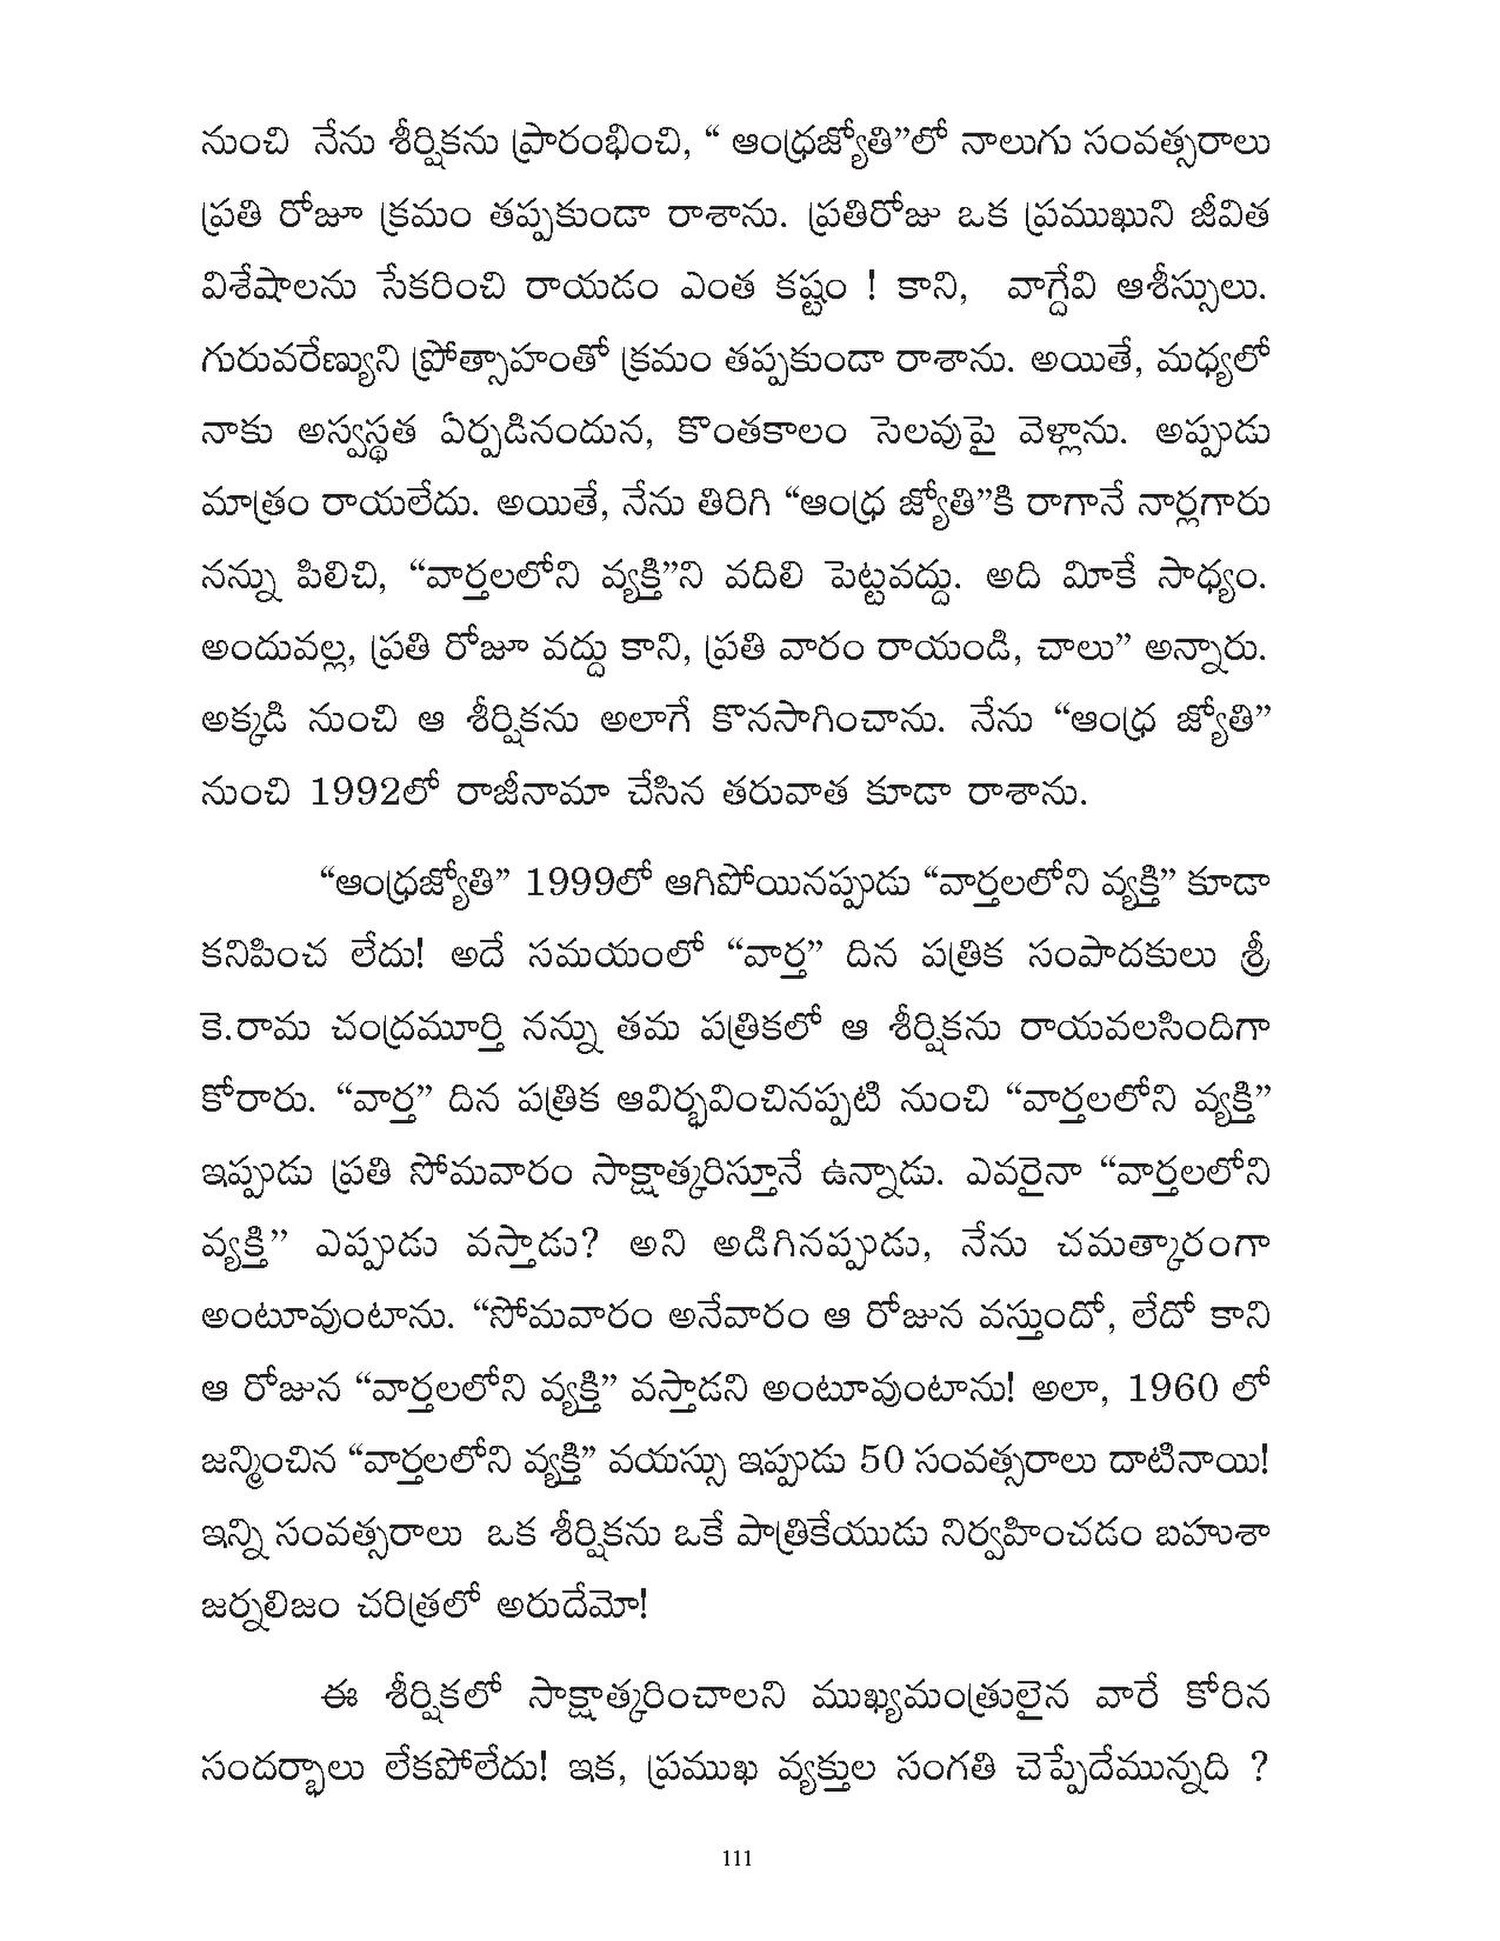నుంచి నేను శీర్షికను ప్రారంభించి, " ఆంధ్రజ్యోతి"లో నాలుగు సంవత్సరాలు
ప్రతి రోజూ క్రమం తప్పకుండా రాశాను. ప్రతిరోజు ఒక ప్రముఖుని జీవిత
విశేషాలను సేకరించి రాయడం ఎంత కష్టం ! కాని, వాగ్దేవి ఆశీస్సులు.
గురువరేణ్యుని ప్రోత్సాహంతో క్రమం తప్పకుండా రాశాను. అయితే, మధ్యలో
నాకు అస్వస్థత ఏర్పడినందున, కొంతకాలం సెలవుపై వెళ్లాను. అప్పుడు
మాత్రం రాయలేదు. అయితే, నేను తిరిగి "ఆంధ్ర జ్యోతి"కి రాగానే నార్లగారు
నన్ను పిలిచి, "వార్తలలోని వ్యక్తి"ని వదిలి పెట్టవద్దు. అది మీకే సాధ్యం.
అందువల్ల, ప్రతి రోజూ వద్దు కాని, ప్రతి వారం రాయండి, చాలు" అన్నారు.
అక్కడి నుంచి ఆ శీర్షికను అలాగే కొనసాగించాను. నేను "ఆంధ్ర జ్యోతి"
నుంచి 1992లో రాజీనామా చేసిన తరువాత కూడా రాశాను.

"ఆంధ్రజ్యోతి" 1999లో ఆగిపోయినప్పుడు "వార్తలలోని వ్యక్తి" కూడా
కనిపించ లేదు! అదే సమయంలో "వార్త" దిన పత్రిక సంపాదకులు శ్రీ
కె.రామచంద్రమూర్తి నన్ను తమ పత్రికలో ఆ శీర్షికను రాయవలసిందిగా
కోరారు. "వార్త" దిన పత్రిక ఆవిర్భవించినప్పటి నుంచి "వార్తలలోని వ్యక్తి"
ఇప్పుడు ప్రతి సోమవారం సాక్షాత్కరిస్తూనే ఉన్నాడు. ఎవరైనా "వార్తలలోని
వ్యక్తి" ఎప్పుడు వస్తాడు? అని అడిగినప్పుడు, నేను చమత్కారంగా
అంటూవుంటాను. "సోమవారం అనేవారం ఆ రోజున వస్తుందో, లేదో కాని
ఆ రోజున "వార్తలలోని వ్యక్తి" వస్తాడని అంటూవుంటాను! అలా, 1960 లో
జన్మించిన "వార్తలలోని వ్యక్తి" వయస్సు ఇప్పుడు 50 సంవత్సరాలు దాటినాయి!
ఇన్ని సంవత్సరాలు ఒక శీర్షికను ఒకే పాత్రికేయుడు నిర్వహించడం బహుశా
జర్నలిజం చరిత్రలో అరుదేమో!

ఈ శీర్షికలో సాక్షాత్కరించాలని ముఖ్యమంత్రులైన వారే కోరిన
సందర్భాలు లేకపోలేదు! ఇక, ప్రముఖ వ్యక్తుల సంగతి చెప్పేదేమున్నది ?